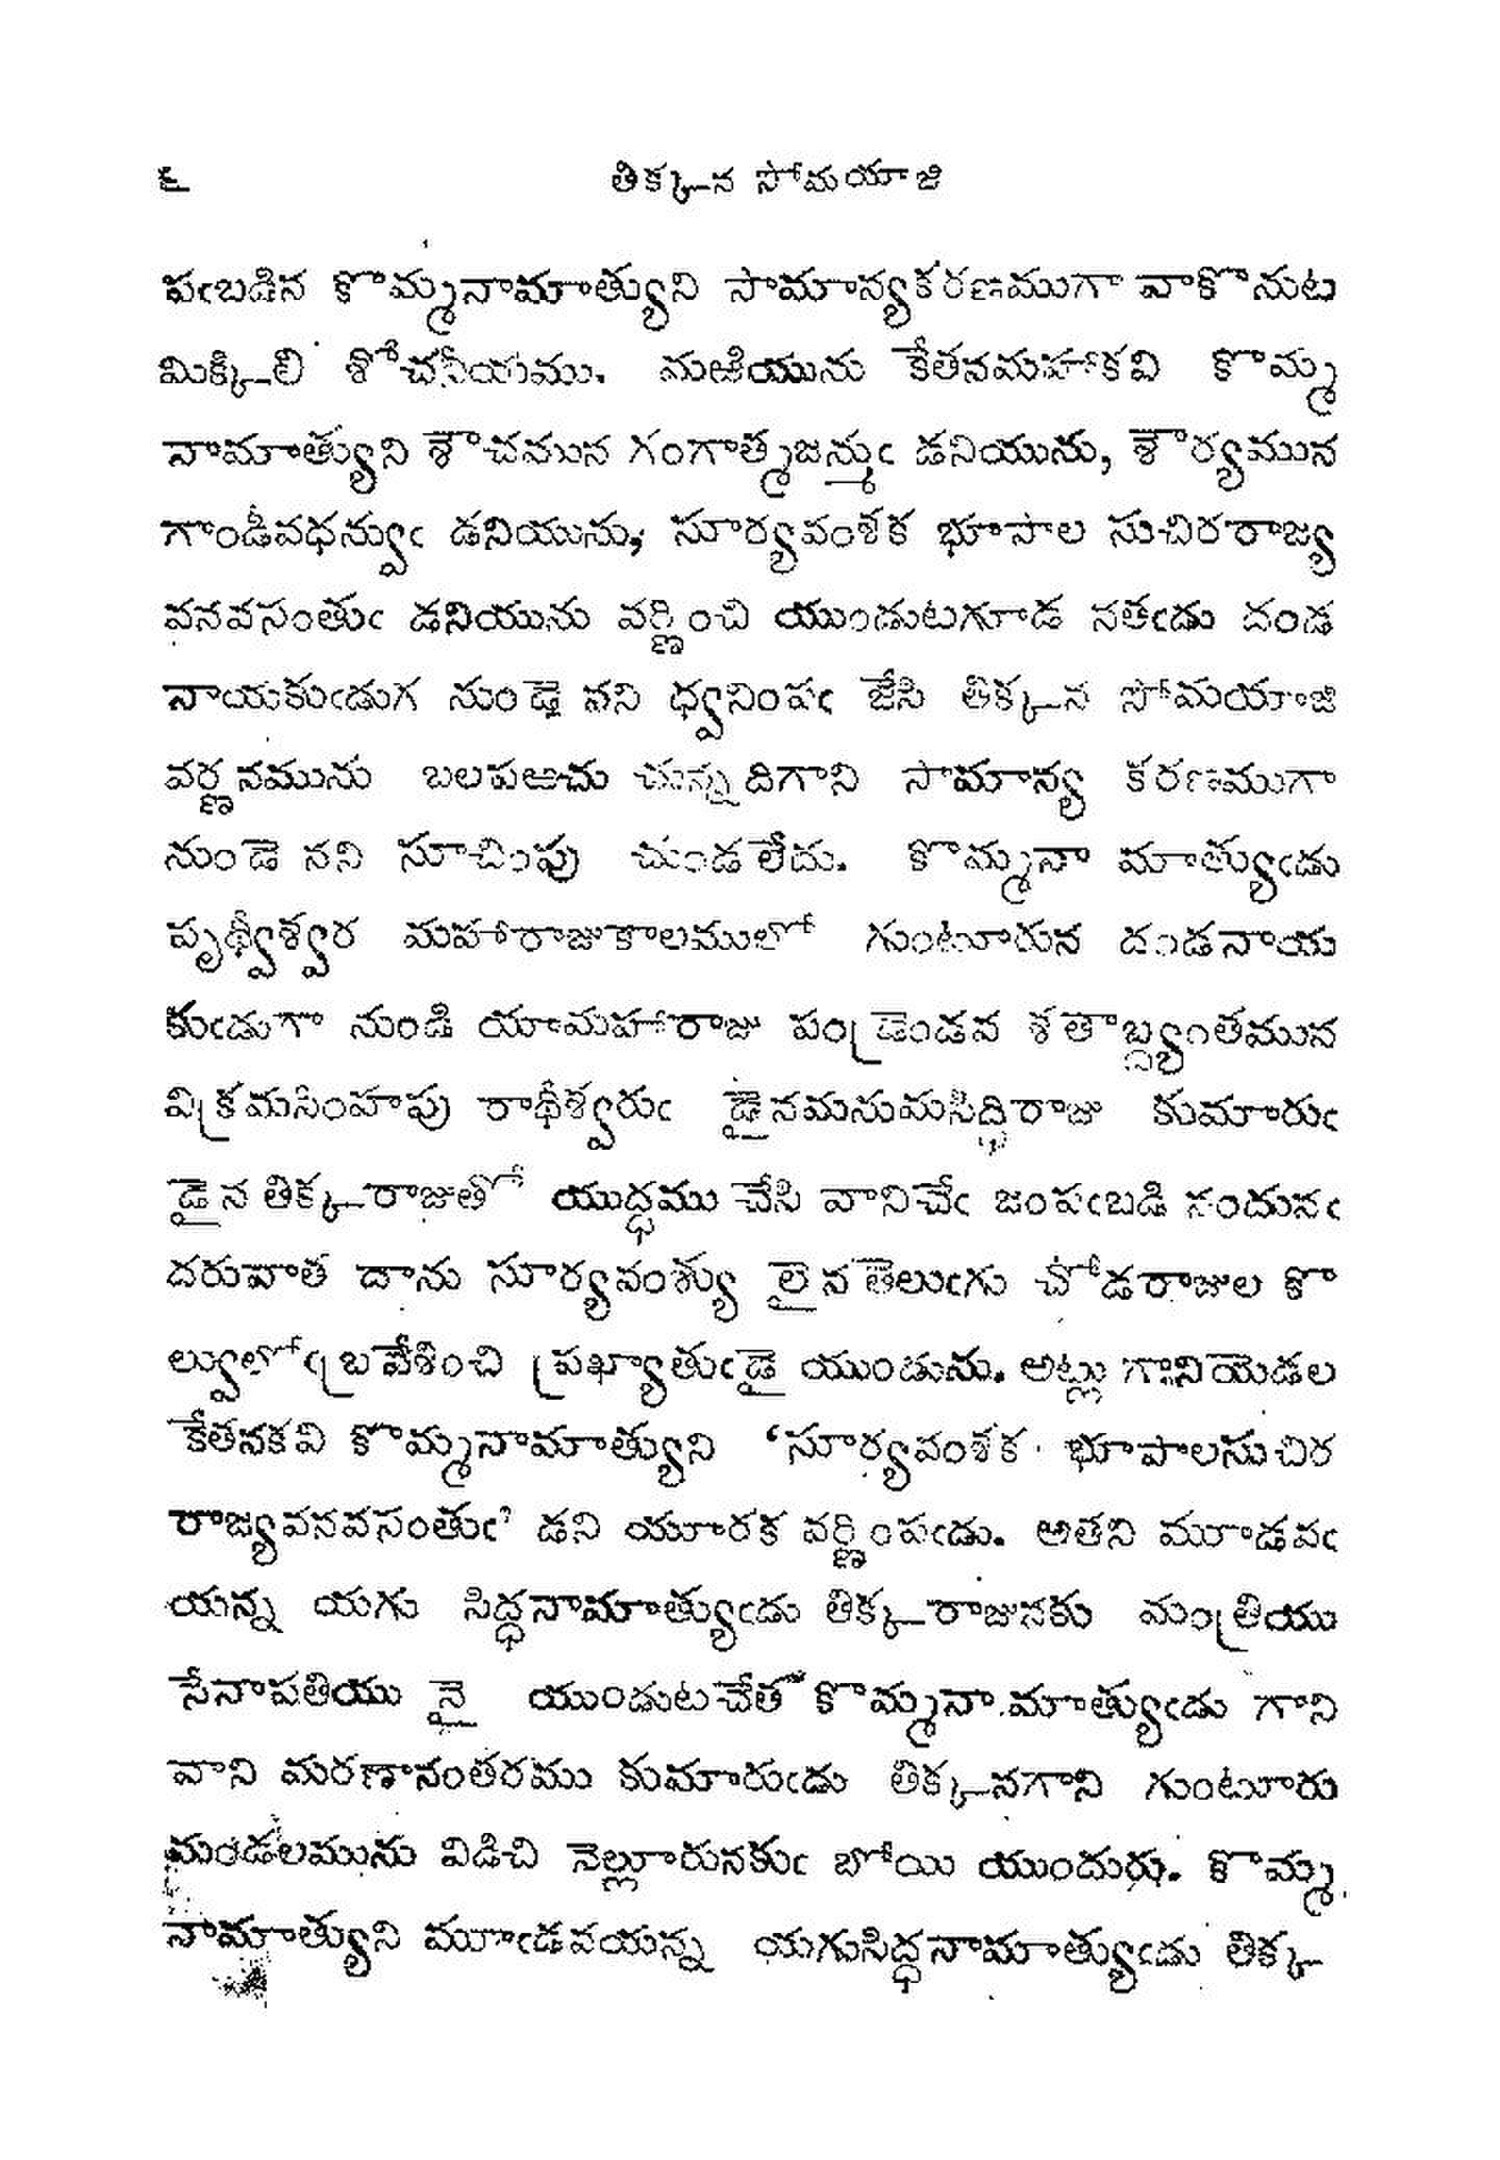పఁబడిన కొమ్మనామాత్యుని సామాన్యకరణముగా వాకొనుట మిక్కిలి శోచనీయము. మఱియును కేతనమహాకవి కొమ్మనామాత్యుని శౌచమున గంగాత్మజన్ముఁ డనియును, శౌర్యమున గాండీవధన్వుఁ డనియును, సూర్యవంశక భూపాల సుచిరరాజ్యవనవసంతుఁ డనియును వర్ణించి యుండుటగూడ నతఁడు దండనాయకుఁడుగ నుండె నని ధ్వనింపఁ జేసి తిక్కన సోమయాజి వర్ణనమును బలపఱచు చున్నదిగాని సామాన్య కరణముగా నుండె నని సూచింపు చుండలేదు. కొమ్మనా మాత్యుఁడు పృథ్వీశ్వర మహారాజుకాలములో గుంటూరున దండనాయకుఁడుగా నుండి యామహారాజు పండ్రెండవ శతాబ్ద్యంతమున విక్రమసింహపు రాథీశ్వరుఁ డైనమనుమసిద్ధిరాజు కుమారుఁడైనతిక్కరాజుతో యుద్ధము చేసి వానిచేఁ జంపఁబడి నందునఁ దరువాత దాను సూర్యవంశ్యు లైన తెలుఁగు చోడరాజుల కొల్వులోఁబ్రవేశించి ప్రఖ్యాతుఁడై యుండును. అట్లు గానియెడల కేతనకవి కొమ్మనామాత్యుని 'సూర్యవంశక భూపాలసుచిర రాజ్యవనవసంతుఁ' డని యూరక వర్ణింపఁడు. అతని మూడవఁ యన్న యగు సిద్ధనామాత్యుఁడు తిక్కరాజునకు మంత్రియు సేనాపతియు నై యుండుటచేత కొమ్మనామాత్యుఁడు గాని వాని మరణానంతరము కుమారుఁడు తిక్కనగాని గుంటూరు మండలమును విడిచి నెల్లూరునకుఁ బోయి యుందురు. కొమ్మనామాత్యుని మూఁడవయన్న యగుసిద్ధనామాత్యుఁడు తిక్క